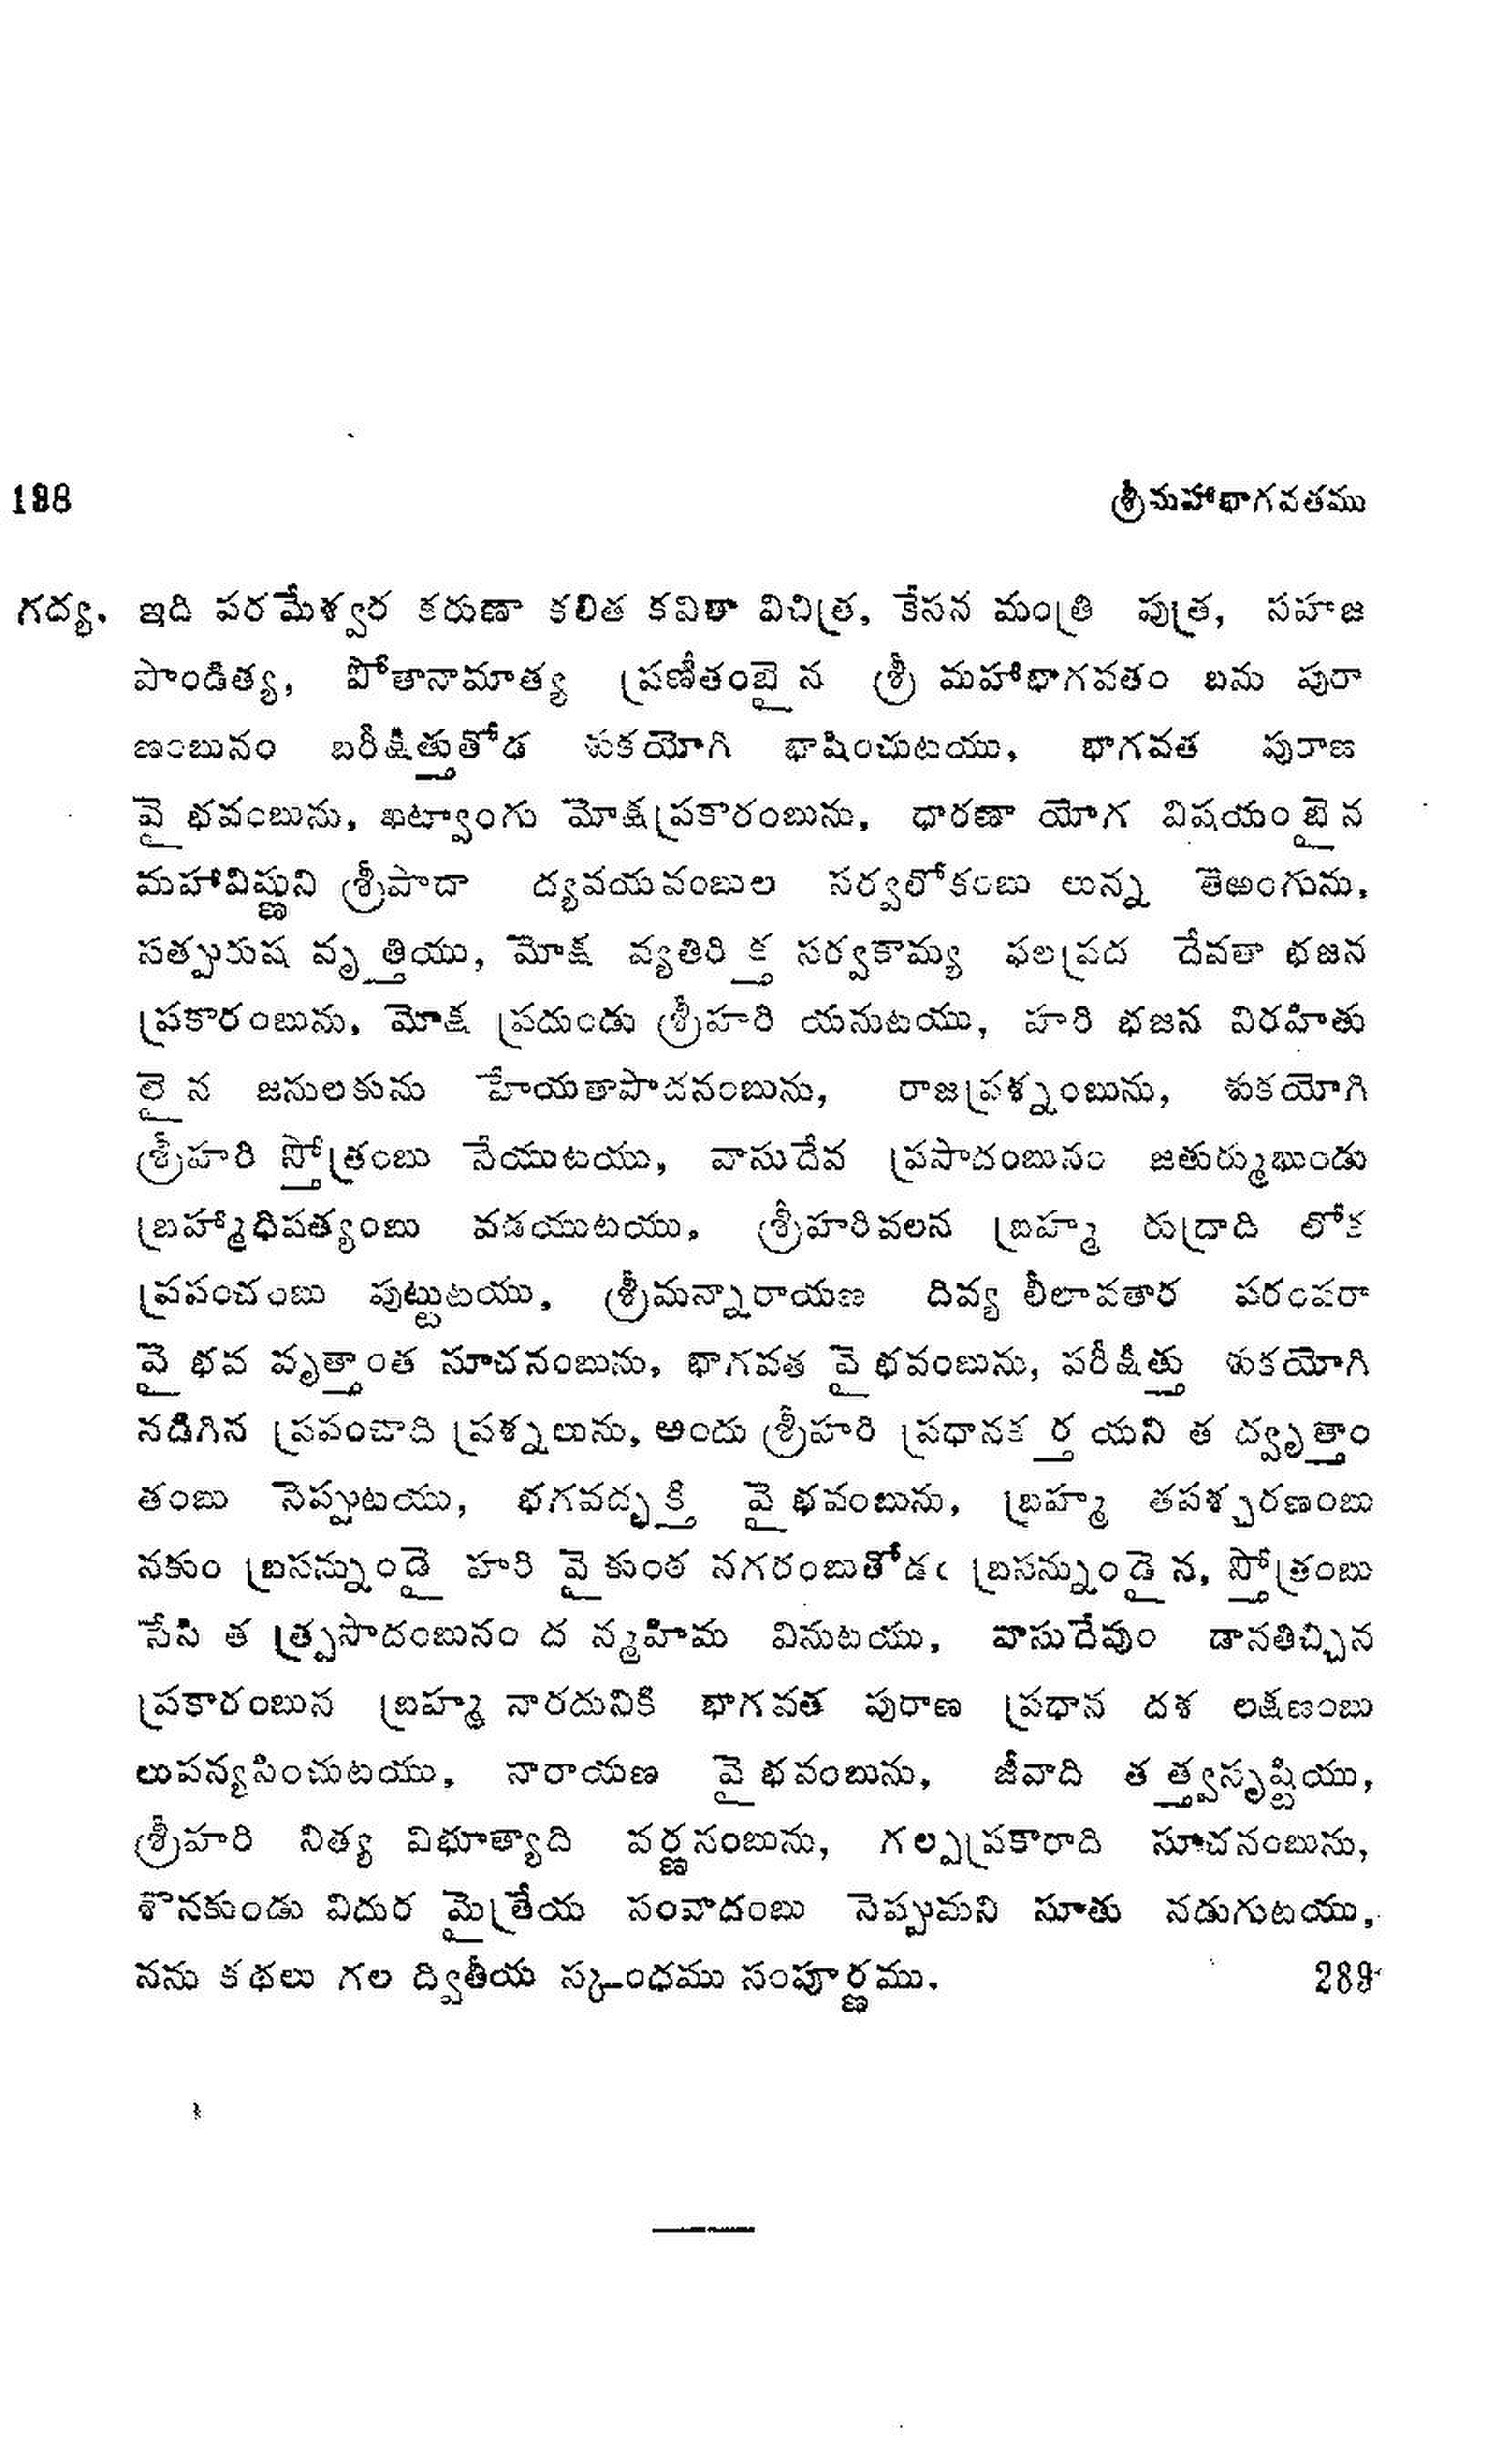138

గద్య. ఇది పరమేశ్వర కరుణా కలిత కవితా విచిత్ర, కేసన మంత్రి పుత్ర, సహజ పాండిత్య,పోతానామాత్య ప్రణీతంబైన శ్రీ మహాభాగవతం బను పురాణంబునం బరీక్షిత్తుతోడ శుకయోగి భాషించుటయు, భాగవత పురాణ వైభవంబును, ఖట్వాంగు మోక్షప్రకారంబును, ధారణా యోగ విషయంబైన మహావిష్ణుని శ్రీపాదా ద్యవయవంబుల సర్వలోకంబు లున్న తెఱంగును, సత్పురుష వృత్తియు, మోక్ష వ్యతిరిక్త సర్వకామ్య ఫలప్రద దేవతా భజన ప్రకారంబును, మోక్ష ప్రదుండు శ్రీహరి యునుటయు, హరి భజన విరహితులైన జనులకు హేయతాపాదనంబును, రాజప్రశ్నంబును,
శుకయోగి శ్రీహరి స్తోత్రంబు సేయుటయు, వాసుదేవ ప్రసాదంబునం జతుర్ముఖుండు బ్రహ్మాధిపత్యంబు వడయుటయు, శ్రీహరివలన బ్రహ్మ రుద్రాది లోక ప్రపంచంబు పుట్టుటయు, శ్రీమన్నారాయణ దివ్య లీలావతార పరంపరా వైభవ వృత్తాంత సూచనంబును, భాగవత వైభవంబును, పరీక్షిత్తు శుకయోగి నడిగిన ప్రపంచాది ప్రశ్నలును, అందు శ్రీహరి ప్రధానకర్తయని తద్వృత్తాంతంబు సెప్పుటయు, భగవద్భక్తి వైభవంబును, బ్రహ్మ తపశ్చరణంబునకుం బ్రసన్నుండై హరి వైకుంఠ నగరంబుతోడఁ బ్రసన్నుండైన, స్తోత్రంబు సేసి త త్ర్పసాదంబునం ద న్మహిమవినుటయు, వాసుదేవుండానతిచ్చిన ప్రకారంబున బ్రహ్మ నారదునికి భాగవత పురాణ ప్రధాన దశ లక్షణంబు లుపన్యసించుటయు, నారాయణ వైభవంబును, జీవాది తత్త్వసృష్టియు, శ్రీహరి నిత్యవిభూత్యాది వర్ణనంబును, గల్పప్రకారాది సూచనంబును, శౌనకుండు విదుర మైత్రేయ సంవాదంబు సెప్పుమని సూతు నడుగుటయు, నను కథలు గల ద్వితీయ స్కంధము సంపూర్ణము. (289)